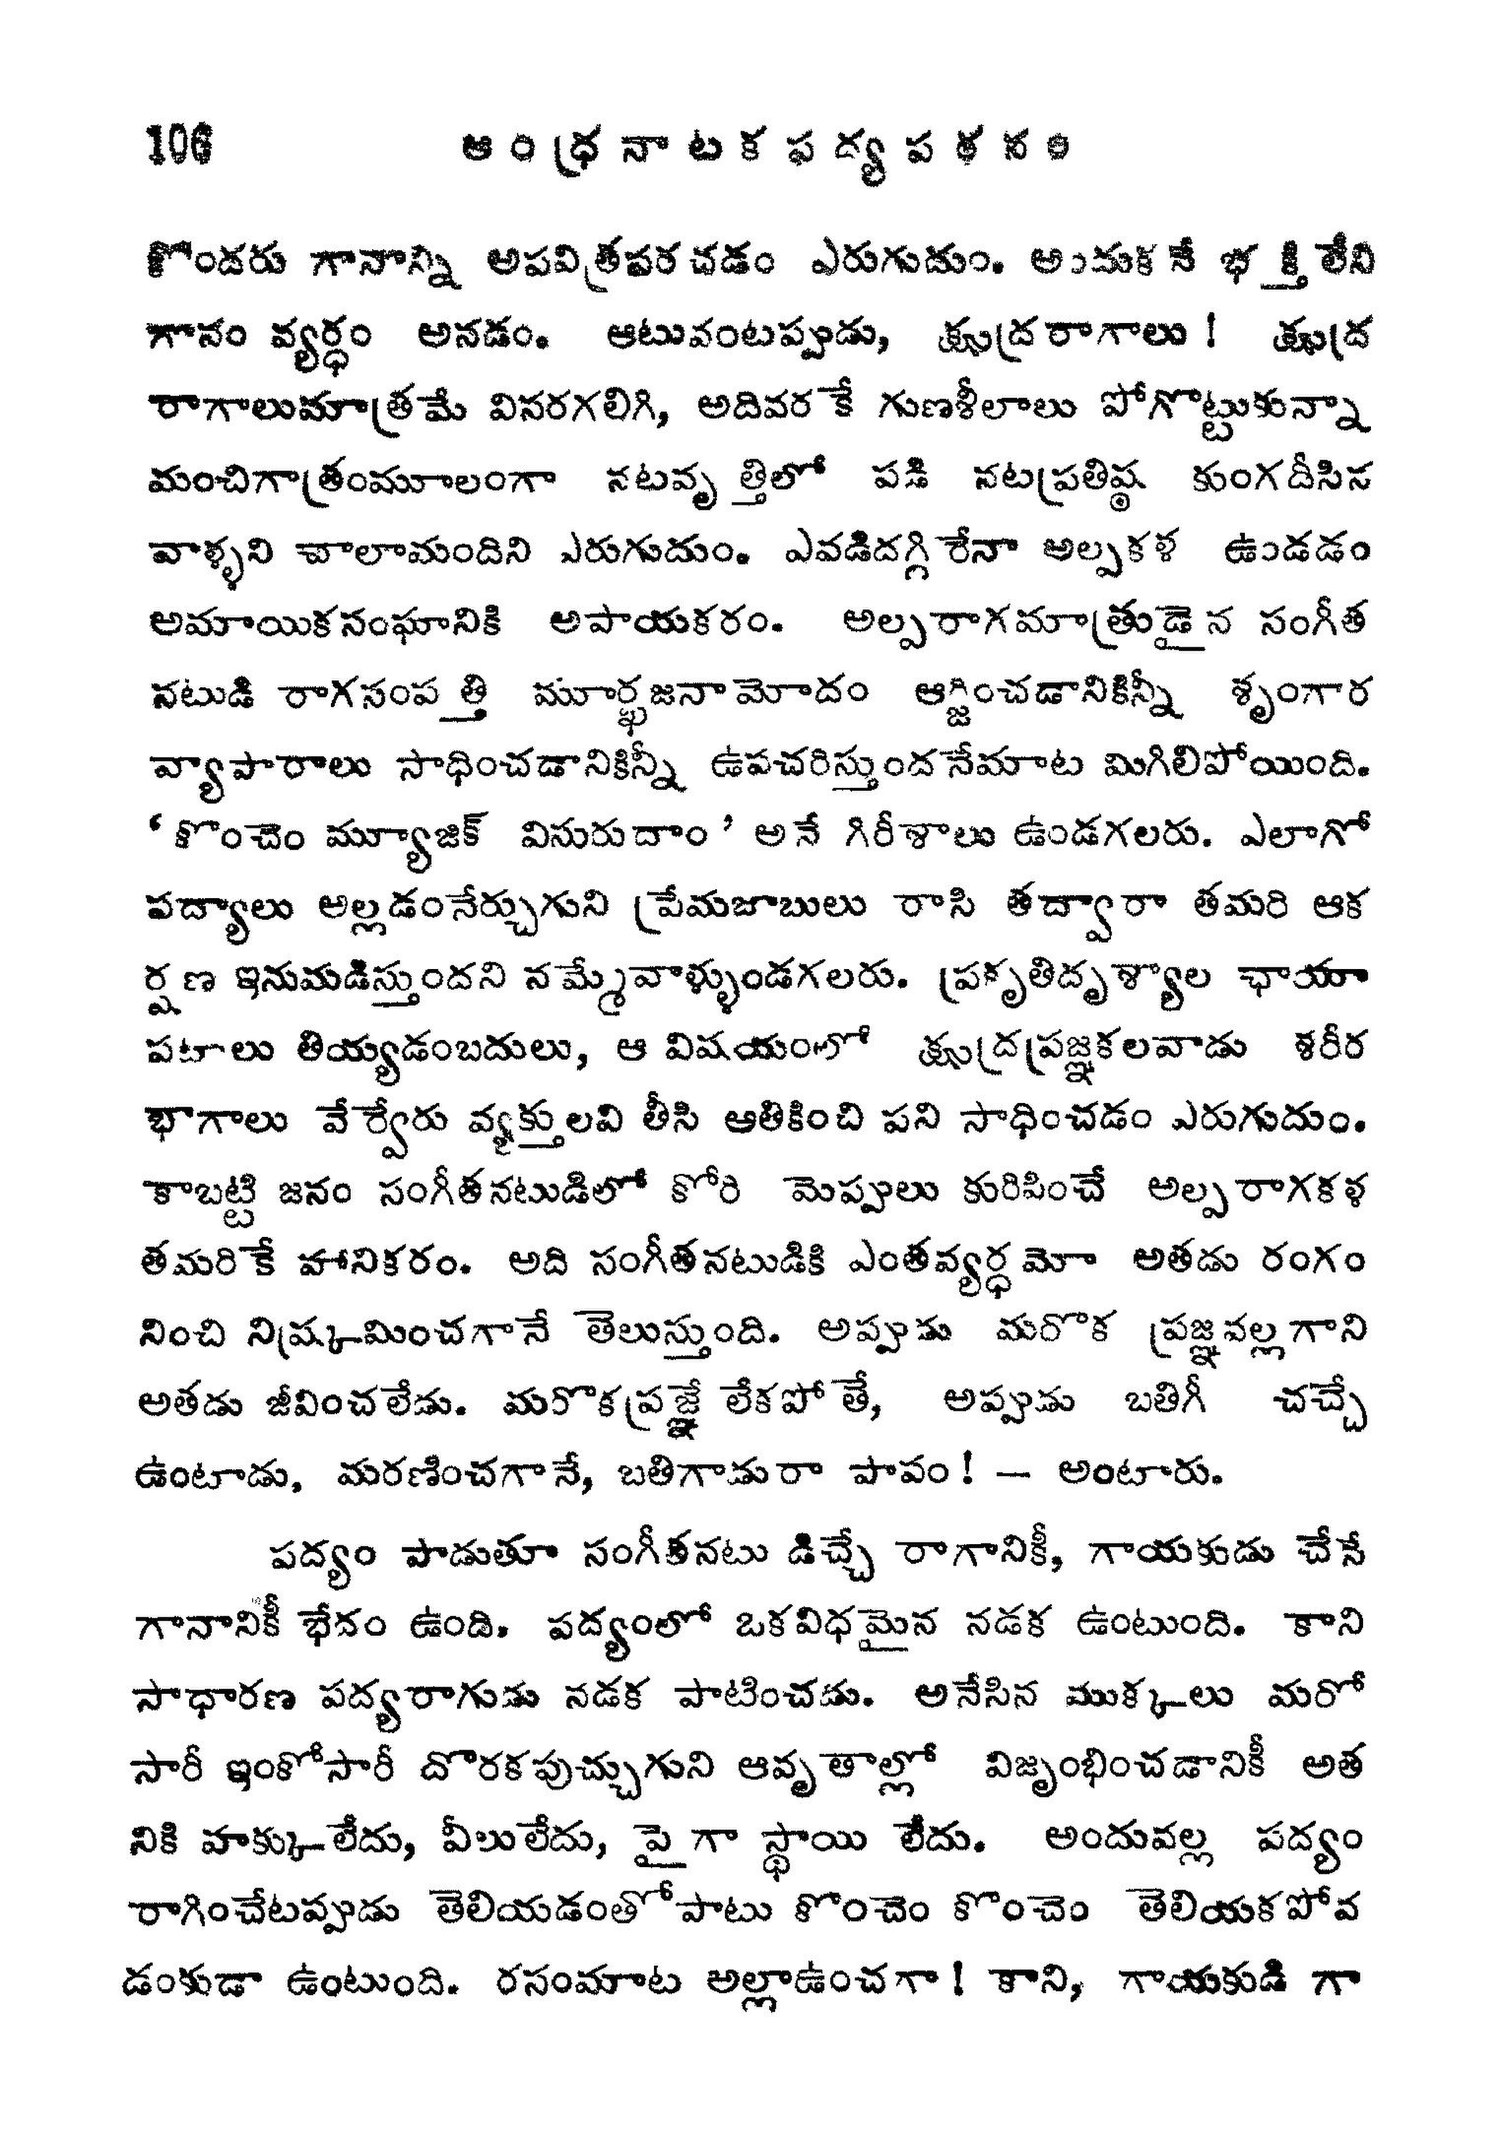కొందరు గానాన్ని అపవిత్రపరచడం ఎరుగుదుం. అందుకనే భక్తి లేని
గానం వ్యర్ధం అనడం. ఆటువంటప్పుడు, క్షుద్రరాగాలు ! క్షుద్ర
రాగాలుమాత్రమే వినరగలిగి, అదివరకే గుణశీలాలు పోగొట్టుకున్నా
మంచిగాత్రంమూలంగా నటవృత్తిలో పడి నటప్రతిష్ఠ కుంగదీసిన
వాళ్ళని చాలామందిని ఎరుగుదుం. ఎవడిదగ్గిరేనా అల్పకళ ఉండడం
అమాయికసంఘానికి అపాయకరం. అల్పరాగమాత్రుడైన సంగీత
నటుడి రాగసంపత్తి మూర్ఖజనామోదం ఆర్జించడానికిన్నీ శృంగార
వ్యాపారాలు సాధించడానికిన్నీ ఉపచరిస్తుందనేమాట మిగిలిపోయింది.
'కొంచెం మ్యూజిక్ విసురుదాం' అనే గిరీశాలు ఉండగలరు. ఎలాగో
పద్యాలు అల్లడంనేర్చుగుని ప్రేమజాబులు రాసి తద్వారా తమరి ఆక
ర్షణ ఇనుమడిస్తుందని నమ్మేవాళ్ళుండగలరు. ప్రకృతిదృశ్యాల ఛాయా
పటాలు తియ్యడంబదులు, ఆ విషయంలో క్షుద్రప్రజ్ఞకలవాడు శరీర
భాగాలు వేర్వేరు వ్యక్తులవి తీసి అతికించి పని సాధించడం ఎరుగుదుం.
కాబట్టి జనం సంగీతనటుడిలో కోరి మెప్పులు కురిపించే అల్ప రాగకళ
తమరికే హానికరం. అది సంగీతనటుడికి ఎంతవ్యర్ధమో అతడు రంగం
నించి నిష్క్రమించగానే తెలుస్తుంది. అప్పుడు మరొక ప్రజ్ఞవల్లగాని
అతడు జీవించలేడు. మరొకప్రజ్ఞ లేకపోతే, అప్పుడు బతిగీ చచ్చే
ఉంటాడు, మరణించగానే, బతిగాడురా పాపం ! - అంటారు.

పద్యం పాడుతూ సంగీతనటు డిచ్చే రాగానికీ, గాయకుడు చేసే
గానానికీ భేదం ఉంది, పద్యంలో ఒకవిధమైన నడక ఉంటుంది. కాని
సాధారణ పద్యరాగుడు నడక పాటించడు. అనేసిన ముక్కలు మరో
సారీ ఇంకోసారీ దొరకపుచ్చుగుని ఆవృతాల్లో విజృంభించడానికీ అత
నికి హక్కులేదు, వీలులేదు, పైగా స్థాయి లేదు. అందువల్ల పద్యం
రాగించేటప్పుడు తెలియడంతో పాటు కొంచెం కొంచెం తెలియకపోవ
డంకుడా ఉంటుంది. రసంమాట అల్లాఉంచగా! కాని, గాయకుడి గా